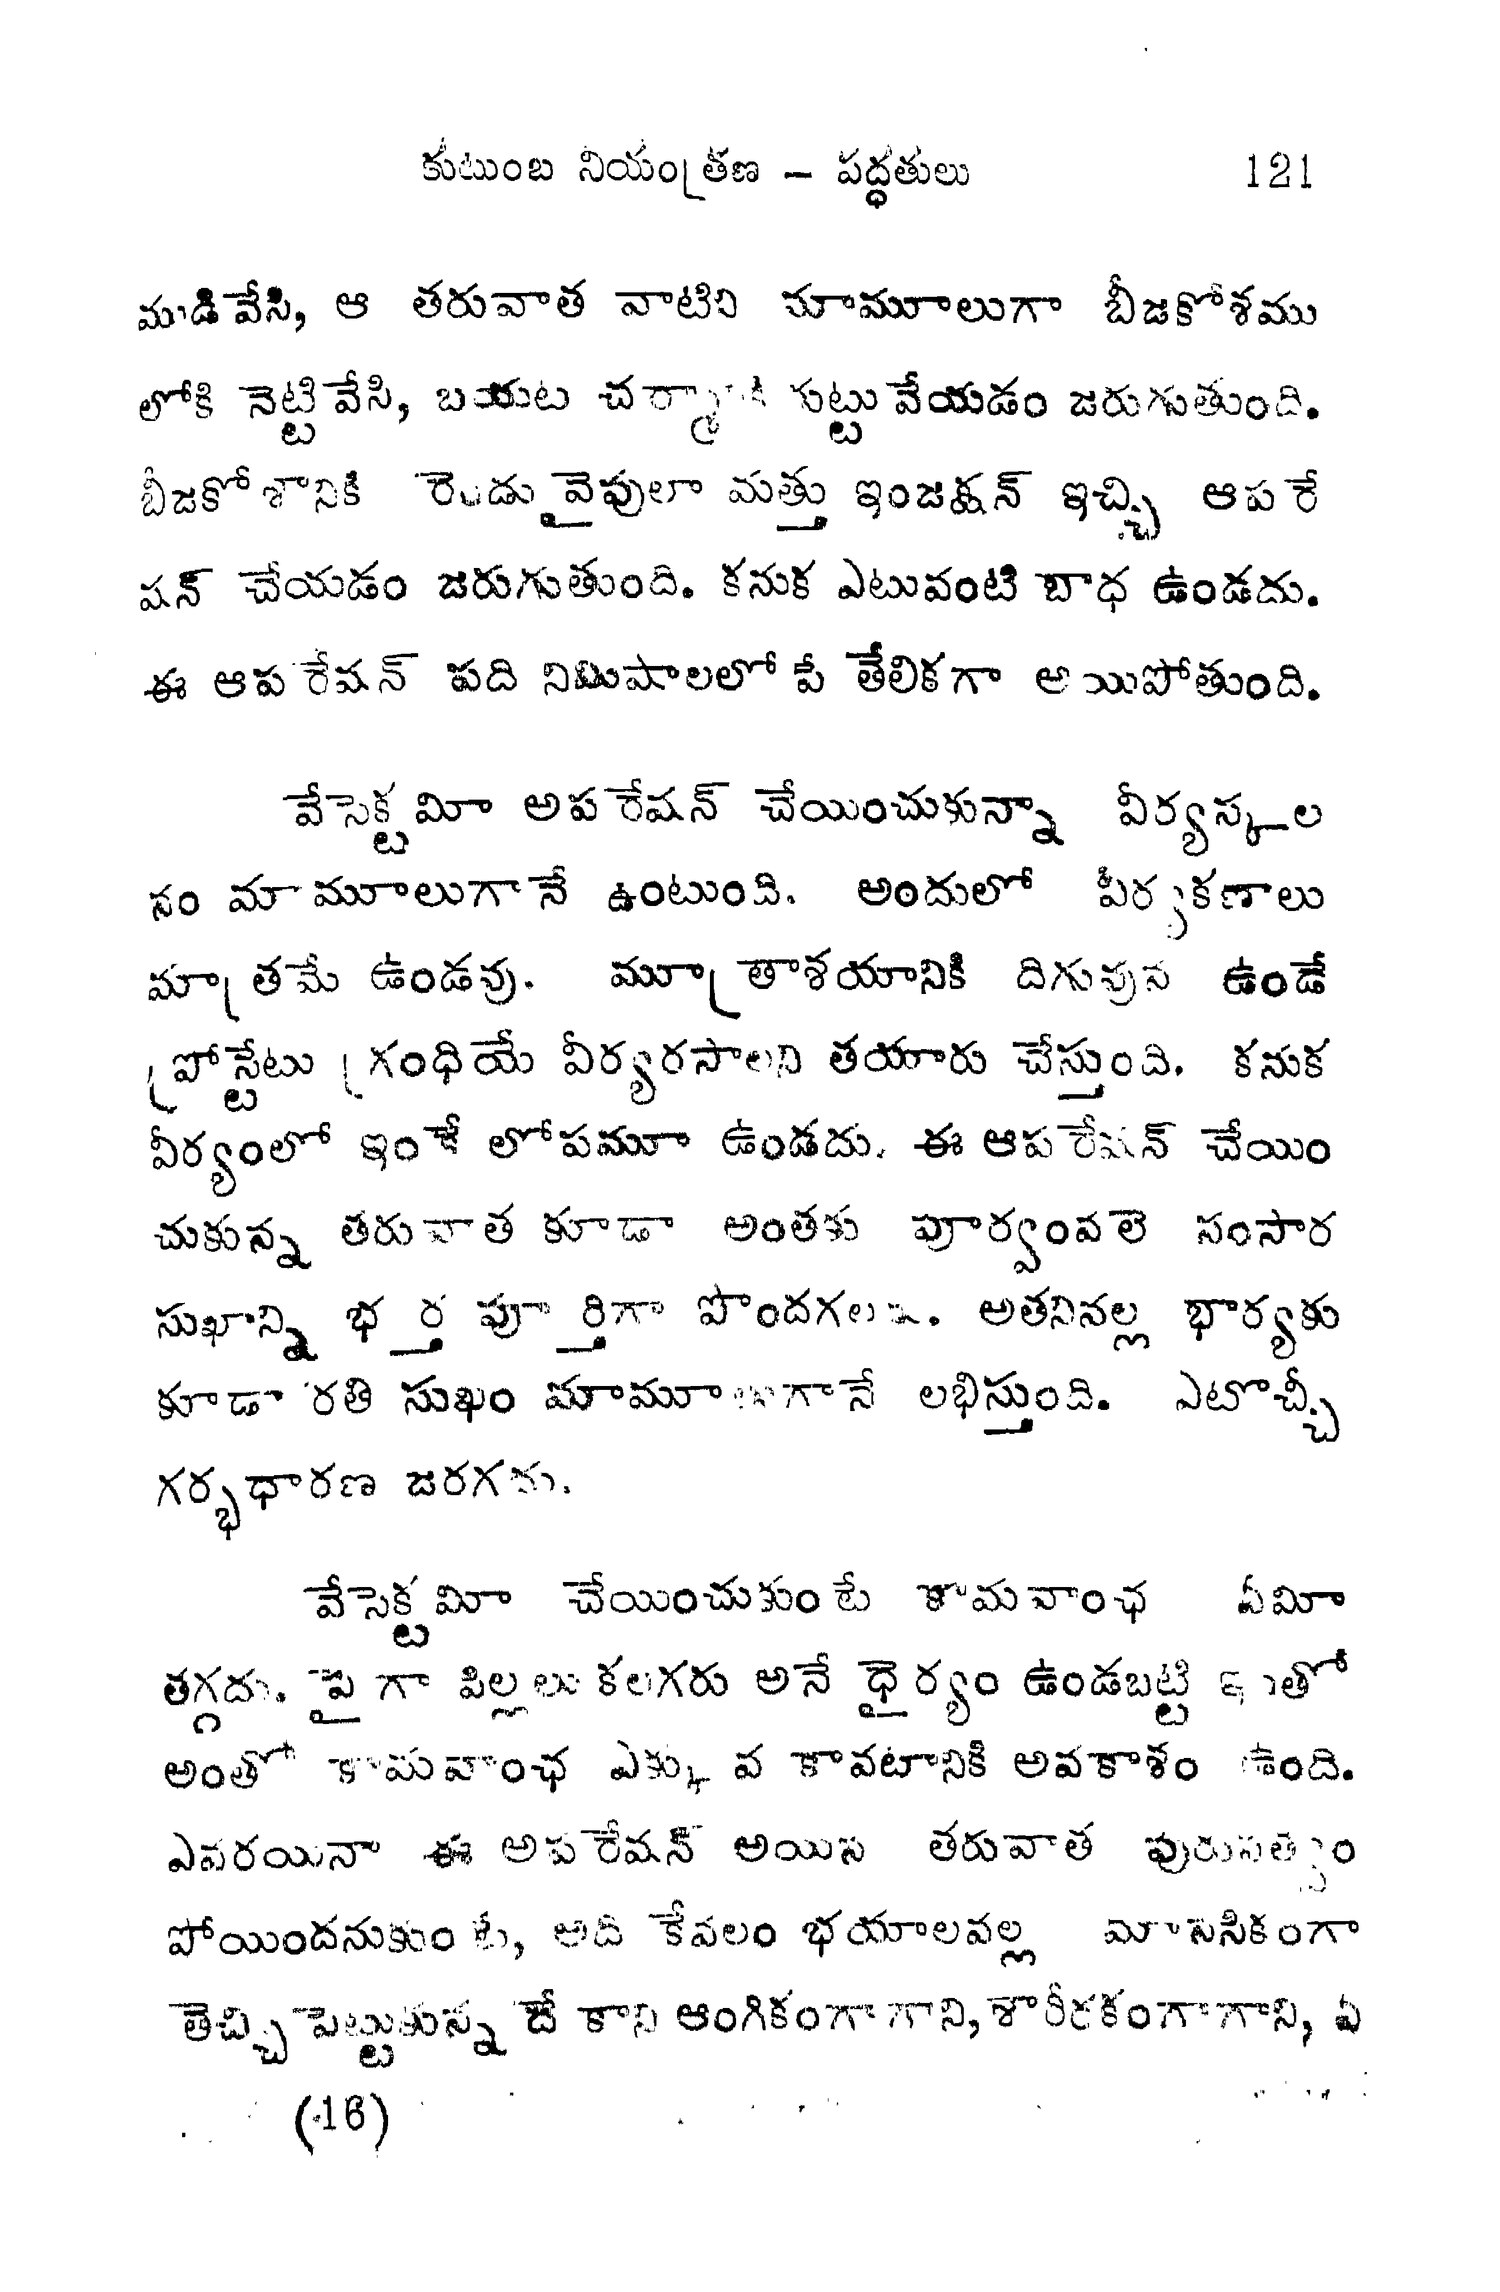ముడివేసి, ఆ తరువాత వాటిని మామూలుగా బీజకోశములోకి నెట్టివేసి, బయట చర్మానికి గుట్టువేయడం జరుగుతుంది. బీజకోశానికి రెండువైపులా మత్తు ఇంజక్షన్ ఇచ్చి ఆపరేషన్ చేయడం జరుగుతుంది. కనుక ఎటువంటి బాధ ఉండదు. ఈ ఆపరేషన్ పది నిమిషాలలోపే తేలికగా అయిపోతుంది.

వేసెక్టమీ ఆపరేషన్ ఛేయించుకున్నా వీర్యస్కలనం మామూలుగానే ఉంటుంది. అందులో వీర్యకణాలు మాత్రమే ఉండవు. మూత్రాశయానికి దిగువున ఉండే ప్రొస్టేటు గ్రంధియే వీర్యరసాలని తయారు చేస్తుంది. కనుక వీర్యంలో ఇంకే లోపమూ ఉండదు. ఈ ఆపరేషన్ చేయించుకున్న తరువాత కూడా అంతకు పూర్వంవలె సంసార సుఖాన్ని భర్త పూర్తిగా పొందగలడు. అతనివల్ల భార్యకు కూడా రతి సుఖం మామూలుగానే లబిస్తుంది. ఎటోచ్చీ గర్భధారణ జరగదు.

వేసెక్టమీ చేయించుకుంటే కామవాంఛ ఏమీ తగ్గదు. పైగా పిల్లలు కలగరు అనే ధైర్యం ఉండబట్టే ఇంతో అంతో కామవాంఛ ఎక్కువ కావటానికి అవకాశం ఉంది. ఎవరయినా ఈ ఆపరేషన్ అయిన తరువాత పురుషత్వం పోయిందనుకుంటే, అది కేవలం భయాలవల్ల మానసికంగా తెచ్చిపెట్టుకున్న దే కాని ఆంగికంగాగాని, శారీరకంగాగాని, ఏ